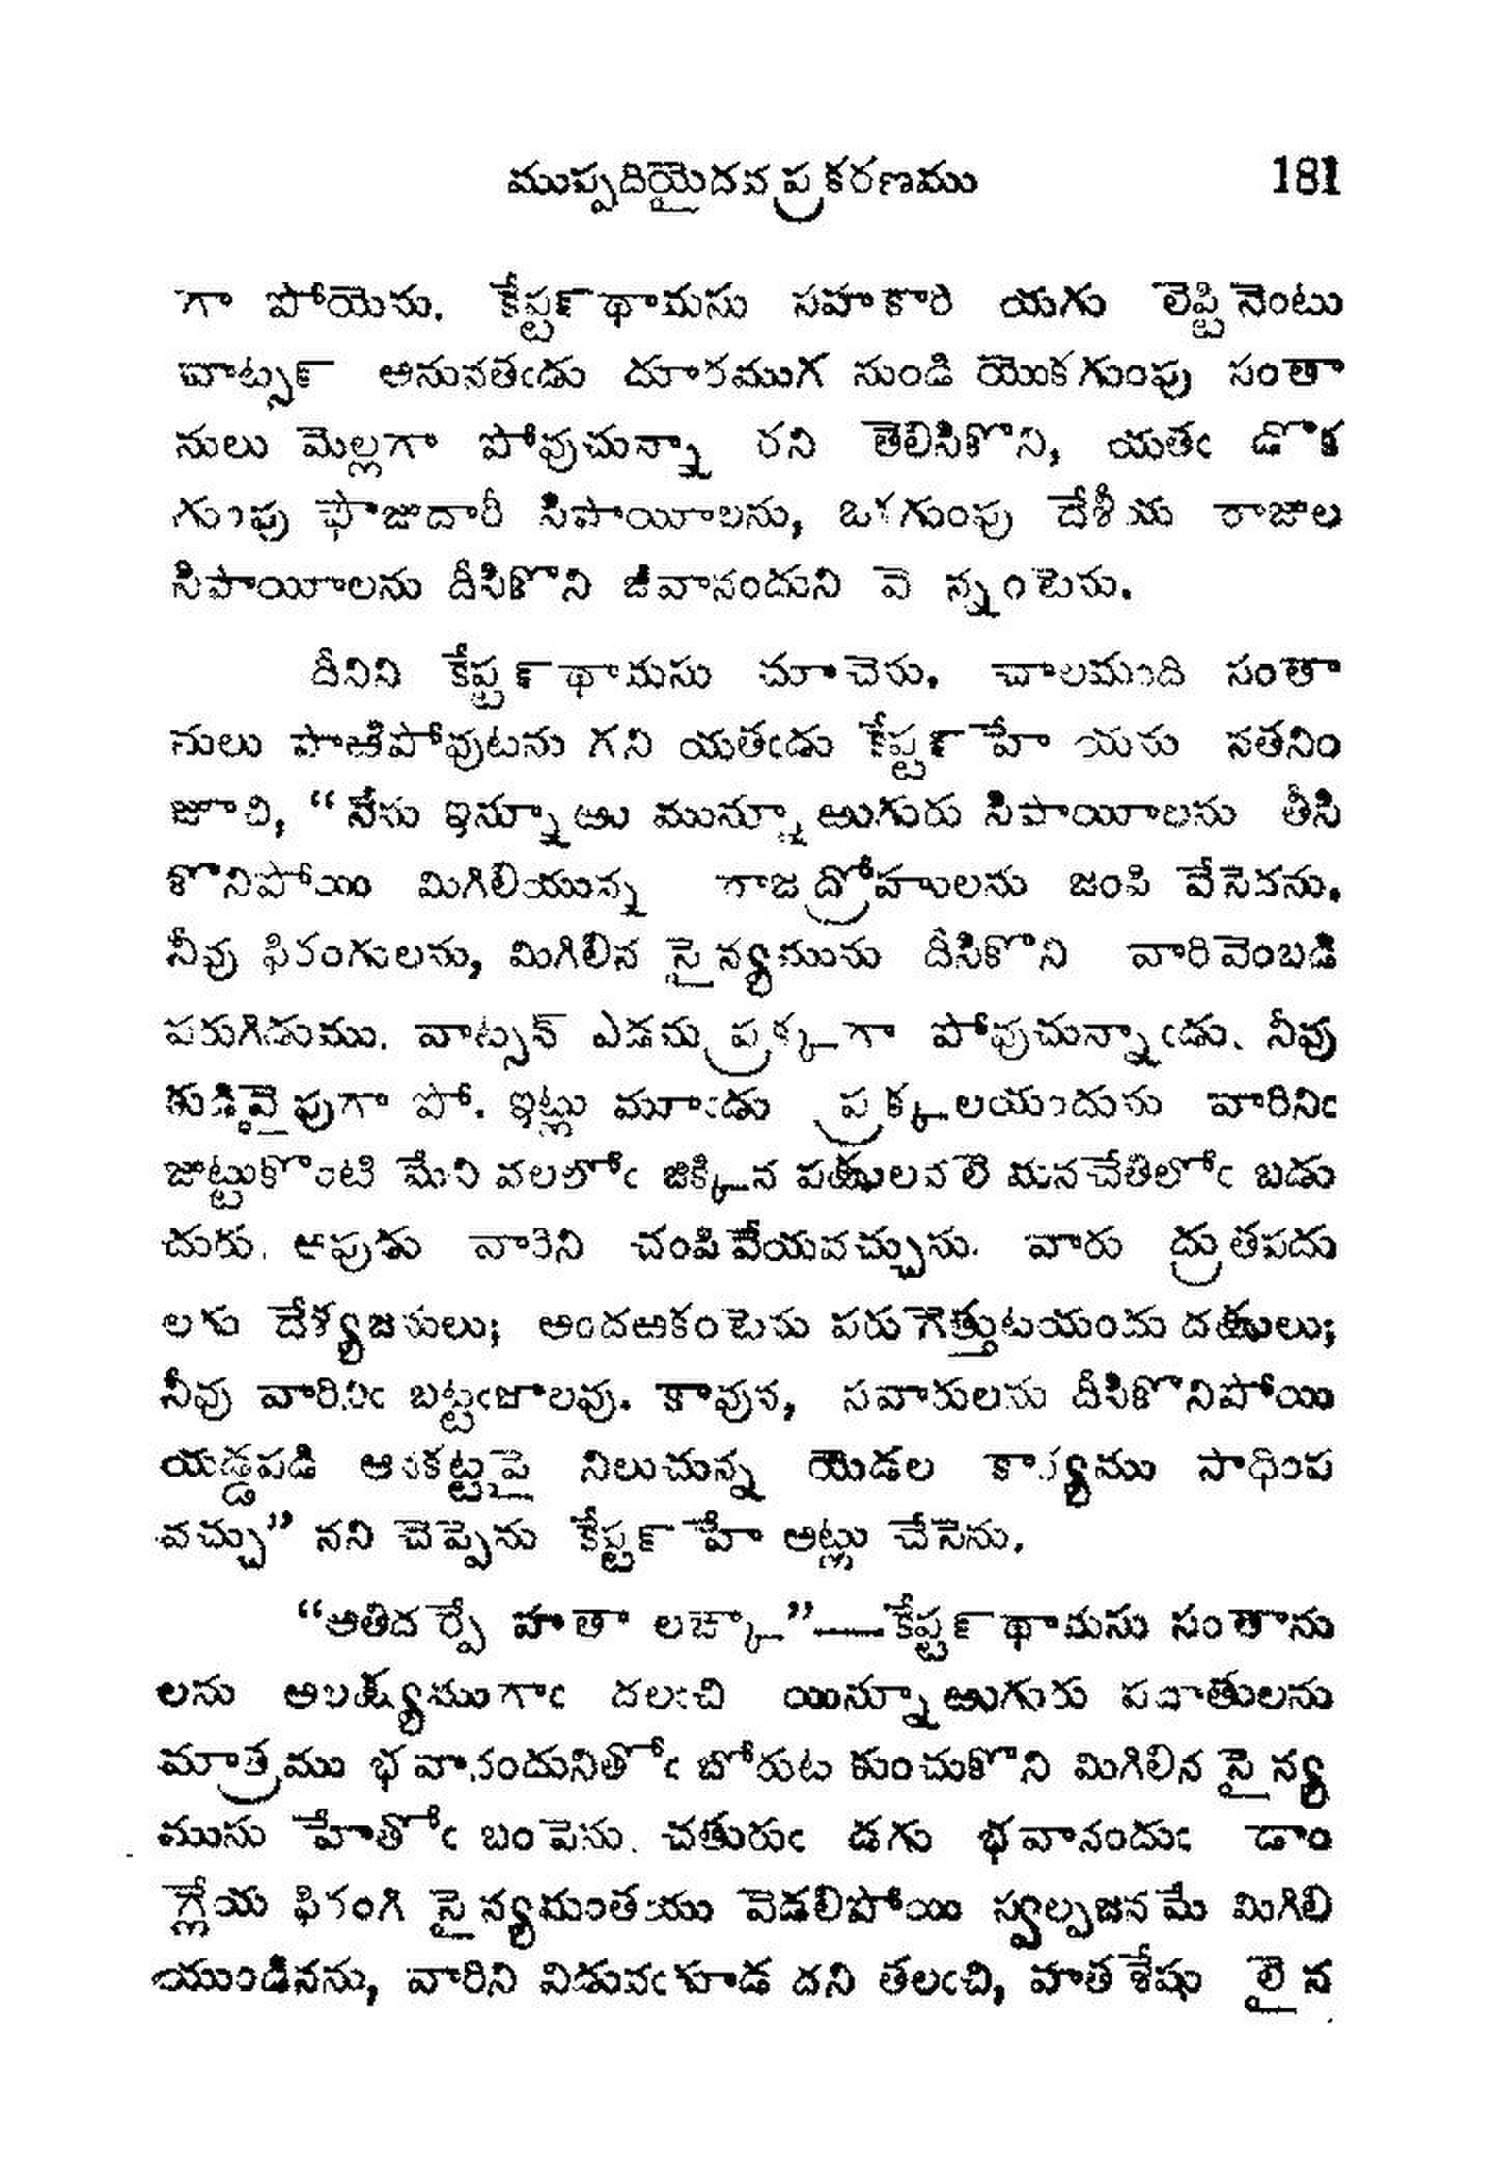గా పోయెను, కేప్ట౯ థామసు సహకారి యగు లెప్టినెంటు వాట్స౯ అనునతఁడు దూరముగ నుండి యొక గుంపు సంతానులు మెల్లగా పోవుచున్నారని తెలిసికొని, యతఁ డొక గుంపు ఫౌజుదారీ సిపాయీలను, ఒక గుంపు దేశీయ రాజుల సిపాయీలను దీపికొని జీవానందుని వెన్నంటెను.

దీనిని కేష్ట౯ థామసు చూచెరు, చాలమంది సంతానులు పాఱిపోవుటను గని యతఁడు కేప్ట౯ హేయను నతనిం జూచి, “ నేను ఇన్నూఱు మున్యూఱుగురు సిపాయీలను తీసికొనిపోయి మిగిలియున్న రాజ ద్రోహులను జంపి వేసెదను. నీవు ఫిరంగులను, మిగిలిన సైన్యమును దీసికొని వారి వెంబడి పరుగిడుము. వాట్సన్ ఎడమ ప్రక్కగా పోవుచున్నాఁడు, నీవు
కుడివైపుగా పో. ఇట్లు మూడు ప్రక్కలయందును వారినిఁ జుట్టుకొంటి మేని వలలోఁ జిక్కిన పక్షులవలే మనచేతిలోఁ బడుదురు. అపుడు వారిని చంపి వేయవచ్చును. వారు ద్రుతపదులగు దేశ్య జనులు; అందటికంటెను పరుగెత్తుటయందు దక్షులు; నీవు వారినిఁ బట్టఁజాలవు. కావున, సవారులను దీసికొనిపోయి యడ్డపడి ఆనకట్టపై నిలుచున్న యెడల కార్యము సాధింపవచ్చు” నని చెప్పెను 'కేష్ట౯ హే అట్లు చేసెను.

“ఆతిదర్పే హతా లఙ్కా"—— కేప్ట౯ థామసు సంతానులను అలక్ష్యముగాఁ దలఁచి యిన్నూఱుగురు పదాతులను మాత్రము భవానందునితోఁ బోరుట కుంచుకొని మిగిలిన సైన్యమును హేతోఁ బంపెను. చతురుఁ డగు భవానందుఁ డాంగ్లేయ ఫిరంగి సైన్యమంతయు వెడలిపోయి స్వల్పజనమే మిగిలి యుండినను, వారిని విడువఁగూడ దని తలంచి, హతశేషు లైన